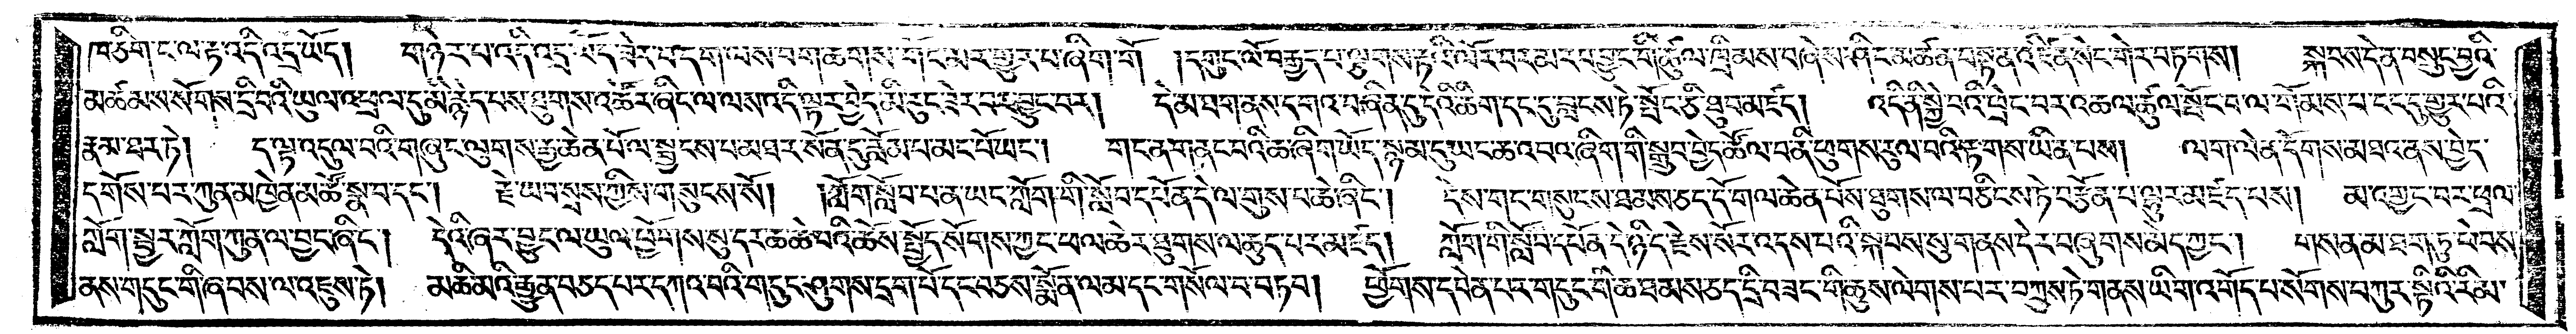ཁ་ཅིག་ང་ལ་རྟ་འདི་འདྲ་ཡོད། །གཉེར་པ་འདི་འདྲ་ཡོད་ཟེར་བ་དག་ལས་བག་ཆགས་གོང་མར་གྱུར་པ་ཞིག་གོ། །དགུང་ལོ་བརྒྱད་པ་ལྕགས་རྟའི་ལོར་བར་མ་རབ་བྱུང་གི་ཚུལ་ཁྲིམས་བཞེས་ཤིང་མཚན་བསྟན་འཛིན་སེང་གེ་བཏགས། །སྐབས་དེན་བསྲུང་བྱའི་
མཚམས་སོགས་དྲི་བའི་ཡུལ་འཕྲལ་དུ་མི་རྙེད་པས་ཐུགས་འཚོར་ཞིང་ལ་ལས་འདི་ལྟར་བྱེད་མི་རུང་ཟེར་བར་བྱུང་བར། དེ་མ་ཐག་ནས་དགའ་བཞིན་དུ་དེའི་ཚིག་དང་དུ་བླངས་ཏེ་སྦོང་ཅི་ཐུབ་མཛད། འདི་ནི་སྐྱེ་བའི་ཕྲེང་བར་འཆལ་ཚུལ་སྤོང་བ་ལ་གོམས་པ་ངང་དུ་གྱུར་པའི་
རྣམ་ཐར་ཏེ། ད་ལྟ་འདུལ་བའི་གཞུང་ལུགས་རྒྱ་ཆེན་པོ་ལ་སྦྱངས་པ་མཐར་སོན་དུ་རློམ་པ་མང་པོ་ཡང་། གང་ན་གནང་བའི་ཆ་ཞིག་ཡོད་སྙམ་དུ་ཡང་ཆ་འབའ་ཞིག་གི་སྒྲུབ་བྱེད་ཚོལ་བ་ནི་ཕུགས་རུལ་བའི་རྟགས་ཡིན་པས། ལག་ལེན་དོགས་མཐའ་ནས་བྱེད་
དགོས་པར་ཀུན་མཁྱེན་མཚོ་སྣ་བ་དང་། རྗེ་ཡབ་སྲས་ཀྱིས་གསུངས་སོ། །ཀློག་སློབ་ཕན་ཡང་ཀློག་གི་སློབ་དཔོན་དེ་ལ་གུས་པ་ཆེ་ཞིང་། དེས་གང་གསུངས་ཐམས་ཅད་དོ་གལ་ཆེན་པོས་ཐུགས་ལ་བཅིངས་ཏེ་བརྩོན་པ་ལྷུར་མཛད་པས། མ་འགྱང་བར་ཕྲལ་
ཀློག་སྦྱར་ཀློག་ཀུན་ལ་བྱང་ཞིང་། དེའི་ཞར་བྱུང་ལ་ཡུལ་ཕྱོགས་སུ་དར་ཆ་ཆེ་བའི་ཆོས་སྤྱོད་སོགས་ཀྱང་ཕལ་ཆེར་ཐུགས་ལ་ཆུད་པར་མཛད། ཀློག་གི་སློབ་དཔོན་དེ་ཉིད་རྗེས་སོར་འདས་པའི་སྐབས་སུ་གནས་དེར་བཞུགས་མེད་ཀྱང་། གསན་མ་ཐག་ཏུ་ཕེབས་
ནས་གདུང་གི་ཞབས་ལ་འཇུས་ཏེ། མཆི་མའི་རྒྱུན་བཅད་པར་དཀའ་བའི་གདུང་ཤུགས་དྲག་པོ་དང་བཅས་སྨོན་ལམ་དང་གསོལ་བ་བཏབ། ཕྱོགས་དཔེན་པར་གདུང་གི་ཆ་ཐམས་ཅད་དྲི་བཟང་གི་ཆུས་ལེགས་པར་བཀྲུས་ཏེ་གནས་ཡིག་འགོད་པ་སོགས་བཀུར་སྟིའི་རིམ་